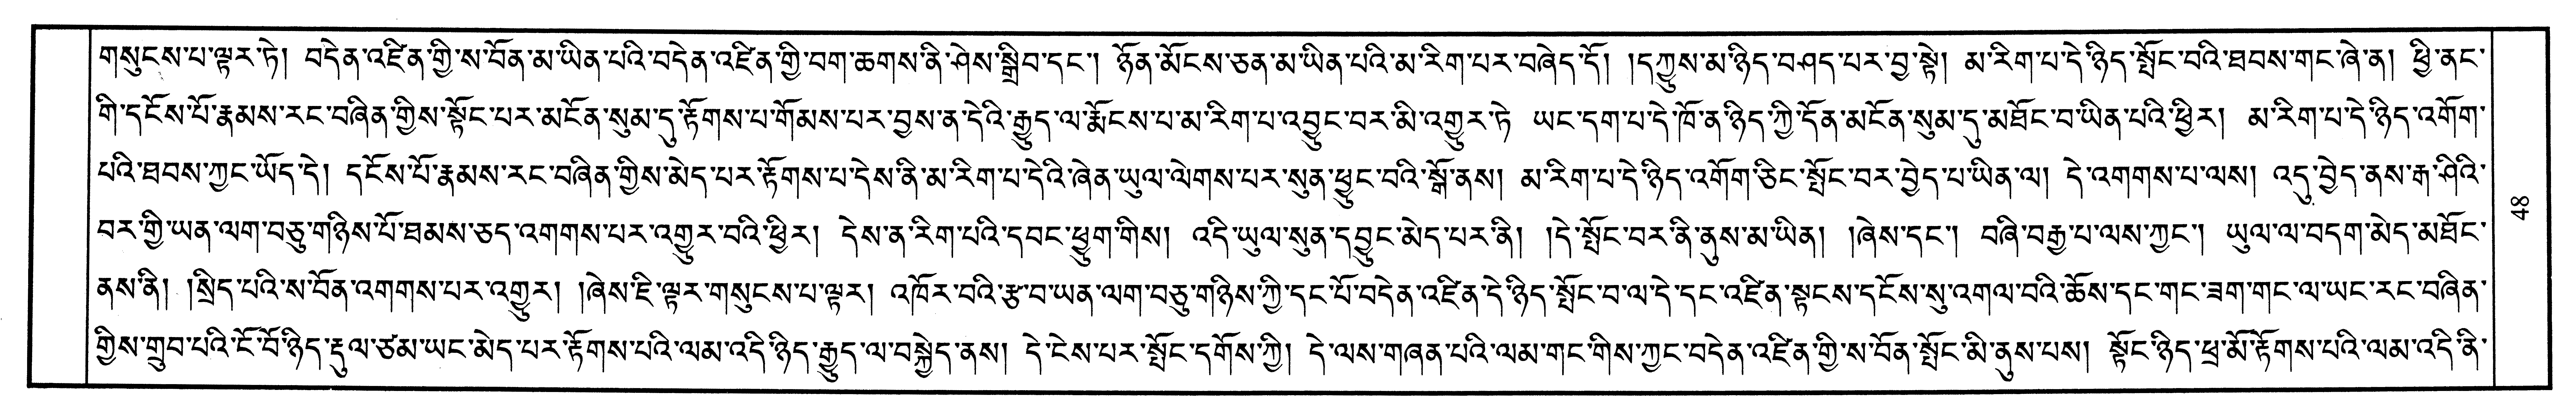གསུངས་པ་ལྟར་ཏེ། བདེན་འཛིན་གྱི་ས་བོན་མ་ཡིན་པའི་བདེན་འཛིན་གྱི་བག་ཆགས་ནི་ཤེས་སྒྲིབ་དང་། ཉོན་མོངས་ཅན་མ་ཡིན་པའི་མ་རིག་པར་བཞེད་དོ། །དཀྱུས་མ་ཉིད་བཤད་པར་བྱ་སྟེ། མ་རིག་པ་དེ་ཉིད་སྤོང་བའི་ཐབས་གང་ཞེ་ན། ཕྱི་ནང་
གི་དངོས་པོ་རྣམས་རང་བཞིན་གྱིས་སྟོང་པར་མངོན་སུམ་དུ་རྟོགས་པ་གོམས་པར་བྱས་ན་དེའི་རྒྱུད་ལ་རྨོངས་པ་མ་རིག་པ་འབྱུང་བར་མི་འགྱུར་ཏེ། ཡང་དག་པ་དེ་ཁོ་ན་ཉིད་ཀྱི་དོན་མངོན་སུམ་དུ་མཐོང་བ་ཡིན་པའི་ཕྱིར། མ་རིག་པ་དེ་ཉིད་འགོག་
པའི་ཐབས་ཀྱང་ཡོད་དེ། དངོས་པོ་རྣམས་རང་བཞིན་གྱིས་མེད་པར་རྟོགས་པ་དེས་ནི་མ་རིག་པ་དེའི་ཞེན་ཡུལ་ལེགས་པར་སུན་ཕྱུང་བའི་སྒོ་ནས། མ་རིག་པ་དེ་ཉིད་འགོག་ཅིང་སྤོང་བར་བྱེད་པ་ཡིན་ལ། དེ་འགགས་པ་ལས། འདུ་བྱེད་ནས་རྒ་ཤིའི་
བར་གྱི་ཡན་ལག་བཅུ་གཉིས་པོ་ཐམས་ཅད་འགགས་པར་འགྱུར་བའི་ཕྱིར། དེས་ན་རིག་པའི་དབང་ཕྱུག་གིས། འདི་ཡུལ་སུན་དབྱུང་མེད་པར་ནི། །དེ་སྤོང་བར་ནི་ནུས་མ་ཡིན། །ཞེས་དང་། བཞི་བརྒྱ་པ་ལས་ཀྱང་། ཡུལ་ལ་བདག་མེད་མཐོང་
ནས་ནི། །སྲིད་པའི་ས་བོན་འགགས་པར་འགྱུར། །ཞེས་ཇི་ལྟར་གསུངས་པ་ལྟར། འཁོར་བའི་རྩ་བ་ཡན་ལག་བཅུ་གཉིས་ཀྱི་དང་པོ་བདེན་འཛིན་དེ་ཉིད་སྤོང་བ་ལ་དེ་དང་འཛིན་སྟངས་དངོས་སུ་འགལ་བའི་ཆོས་དང་གང་ཟག་གང་ལ་ཡང་རང་བཞིན་
གྱིས་གྲུབ་པའི་ངོ་བོ་ཉིད་རྡུལ་ཙམ་ཡང་མེད་པར་རྟོགས་པའི་ལམ་འདི་ཉིད་རྒྱུད་ལ་བསྐྱེད་ནས། དེ་ངེས་པར་སྤོང་དགོས་ཀྱི། དེ་ལས་གཞན་པའི་ལམ་གང་གིས་ཀྱང་བདེན་འཛིན་གྱི་ས་བོན་སྤོང་མི་ནུས་པས། སྟོང་ཉིད་ཕྲ་མོ་རྟོགས་པའི་ལམ་འདི་ནི་